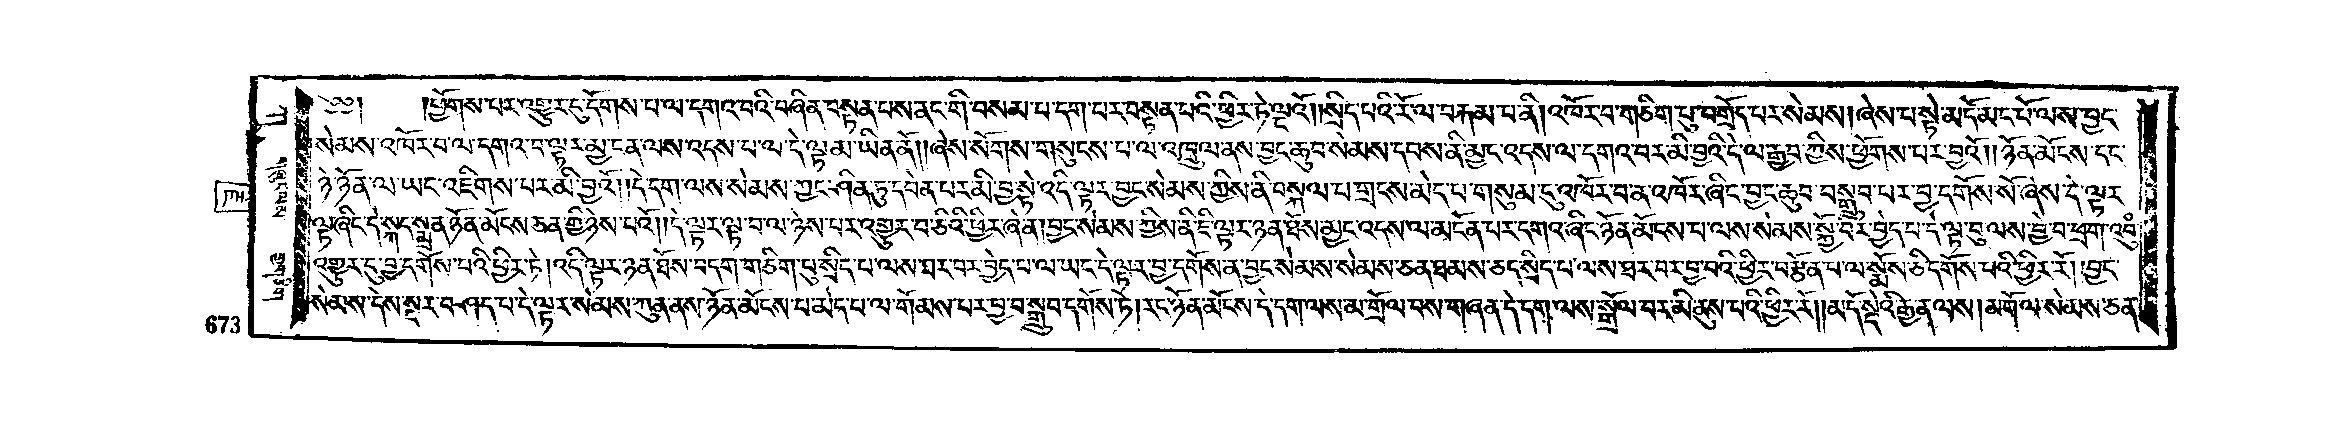༄༅། །ཕྱོགས་པར་འགྱུར་དུ་དོགས་པ་ལ་དགའ་བའི་བཞིན་བསྟན་པས་ནང་གི་བསམ་པ་དག་པར་བསྟན་པའི་ཕྱིར་ཏེ་ལྔའོ། །སྲིད་པའི་རོ་ལ་བརྐམ་པ་ནི། འཁོར་བ་གཅིག་པུ་བགྲོད་པར་སེམས། ཞེས་པ་སྟེ་མདོ་མང་པོ་ལས་བྱང་
སེམས་འཁོར་བ་ལ་དགའ་བ་ལྟར་མྱ་ངན་ལས་འདས་པ་ལ་དེ་ལྟ་མ་ཡིན་ནོ། །ཞེས་སོགས་གསུངས་པ་ལ་འཁྲུལ་ནས་བྱང་ཆུབ་སེམས་དཔས་ནི་མྱང་འདས་ལ་དགའ་བར་མི་བྱའི་དེ་ལ་རྒྱབ་ཀྱིས་ཕྱོགས་པར་བྱའོ། །ཉོན་མོངས་དང་
ཉེ་ཉོན་ལ་ཡང་འཇིགས་པར་མི་བྱའོ། །དེ་དག་ལས་སེམས་ཀྱང་ཤིན་ཏུ་དབེན་པར་མི་བྱ་སྟེ་འདི་ལྟར་བྱང་སེམས་ཀྱིས་ནི་བསྐལ་པ་གྲངས་མེད་པ་གསུམ་དུ་འཁོར་བ་ན་འཁོར་ཞིང་བྱང་ཆུབ་བསྒྲུབ་པར་བྱ་དགོས་སོ་ཞེས་དེ་ལྟར་
ལྟ་ཞིང་དེ་སྐད་སྨྲ་ན་ཉོན་མོངས་ཅན་གྱི་ཉེས་པའོ། །དེ་ལྟར་ལྟ་བ་ལ་ཉེས་པར་འགྱུར་བ་ཅིའི་ཕྱིར་ཞེ་ན། བྱང་སེམས་ཀྱིས་ནི་ཇི་ལྟར་ཉན་ཐོས་མྱང་འདས་ལ་མངོན་པར་དགའ་ཞིང་ཉོན་མོངས་པ་ལས་སེམས་སྐྱོ་བར་བྱེད་པ་དེ་ལྟ་བུ་ལས་བྱེ་བ་ཕྲག་འབུཾ་
འགྱུར་དུ་བྱ་དགོས་པའི་ཕྱིར་ཏེ། འདི་ལྟར་ཉན་ཐོས་བདག་གཅིག་པུ་སྲིད་པ་ལས་ཐར་བར་བྱེད་པ་ལ་ཡང་དེ་ལྟར་བྱ་དགོས་ན་བྱང་སེམས་སེམས་ཅན་ཐམས་ཅད་སྲིད་པ་ལས་ཐར་བར་བྱ་བའི་ཕྱིར་བརྩོན་པ་ལ་སྨོས་ཅི་དགོས་པའི་ཕྱིར་རོ། །བྱང་
སེམས་དེས་སྔར་བཤད་པ་དེ་ལྟར་སེམས་ཀུན་ནས་ཉོན་མོངས་པ་མེད་པ་ལ་གོམས་པར་བྱ་བ་སྒྲུབ་དགོས་ཏེ། རང་ཉོན་མོངས་དེ་དག་ལས་མ་གྲོལ་བས་གཞན་དེ་དག་ལས་སྒྲོལ་བར་མི་ནུས་པའི་ཕྱིར་རོ། །མདོ་སྡེའི་རྒྱན་ལས། མགོ་ལ་སེམས་ཅན་